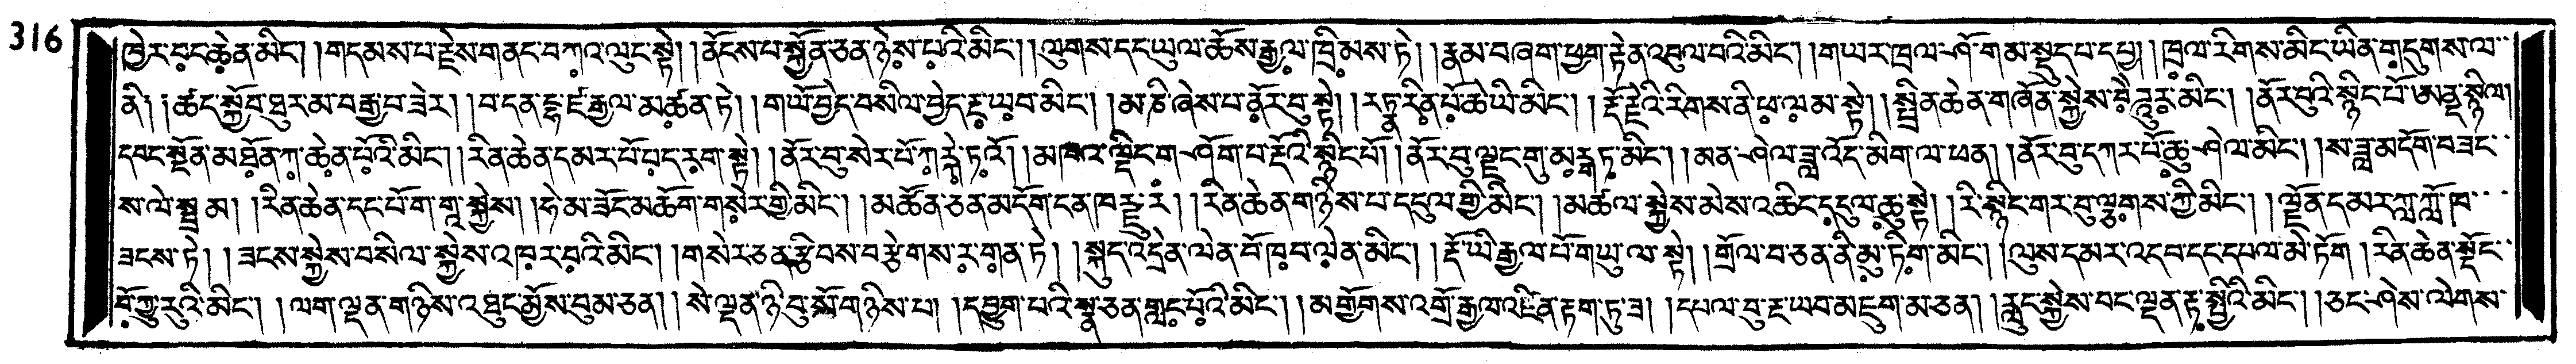ཁྱེར་བང་ཆེན་མིང་། །གདམས་པ་རྗེས་གནང་བཀའ་ལུང་སྟེ། །ནོངས་པ་སྐྱོན་ཅན་ཉེས་པའི་མིང་། །ལུགས་དང་ཡུལ་ཆོས་རྒྱ་ལ་ཁྲིམས་ཏེ། །རྣམ་བཞག་ཕྱག་རྟེན་འབུལ་བའི་མིང་། །གཡར་ཁྲལ་ཤོ་ག་མ་སྡུད་པ་དཔྱ། །ཁྲ་ལ་རིགས་མིང་ཡིན་གདུགས་ལ་
ནི། །ཚད་སྐྱོབ་ཐུར་མ་བརྒྱ་བ་ཟེར། །བ་དན་དྷ་ཛ་རྒྱལ་མཚན་ཏེ། །གཡོ་བྱེད་བསིལ་བྱེད་རྔ་ཡབ་མིང་། །མ་ཎི་ཞེས་པ་ནོར་བུ་སྟེ། ར་ཏན་རིན་པོ་ཆེ་ཡི་མིང་། །རྡོ་རྗེའི་རིགས་ནི་ཕ་ལམ་སྟེ། །སྤྲི་ཆེན་གཞོན་སྐྱེས་བEEཌཱུར་མིང་། །ནོར་བུའི་སྙིང་པོ་ཨནྡ་སྙིལ།
དབང་སྔོན་མཐོན་ཀ་ཆེན་པའི་མིང་། །རིན་ཆེན་དམར་པོ་པད་རག་སྟེ། །ནོར་བུ་སེར་པོ་ཀ་རྐྱེ་ཏའོ། །མཁའ་ལྡིང་གཤོག་པ་རྡོའི་སྙིང་པོ། །ནོར་བུ་ལྗང་གུ་མ་རྒ་ཏ་མིང་། །མན་ཤེལ་ཟླ་འོད་མིང་ལ་ཕན། །ནོར་བུ་དཀར་པོ་ཆུ་ཤེལ་མིང་། །ས་ཟླ་མདོག་བཟང་
ས་ལེ་སྤྲ་མ། །རིན་ཆེན་དང་པོ་ག་གཱ་སྐྱེས། །ཧེ་མ་ཟོང་མཆོག་གསེར་གྱི་མིང་། །མཚོན་ཅན་མདོག་ངན་ག་རྗུ་རི། །རིན་ཆེན་གཉིས་པ་དངུལ་གྱི་མིང་། །མཚལ་སྐྱེས་མེས་འཆིང་དངུལ་ཆུ་སྟེ། །རི་སྙིང་གར་བུ་ལྕགས་ཀྱི་མིང་། །ལྗོན་དམར་གླ་གློ་ཁ་
ཟངས་ཏེ། །ཟངས་སྐྱེས་བསིལ་སྐྱེས་མཁར་བའི་མིང་། །གསེར་ཅན་རྩི་བས་བརྟེགས་ར་གན་ཏེ། །སྐུད་འདྲེན་ལེན་པོ་ཁབ་ལེན་མིང་། །རྡོ་ཡི་རྒྱལ་པོ་གདུལ་ལ་སྟེ། །སྒྲོལ་བ་ཅན་ནི་མུ་ཏིག་མིང་། ལུས་དམར་འདབ་དང་དཔལ་མེ་ཏོག། །རིན་ཆེན་སྡོང་
བོ་ཀྱུ་རུའི་མིང་། ལག་ལྡན་གཉིས་འཐུང་སྨྱོས་བུམ་ཅན། །སེ་ལྡན་ཉི་བུ་སོ་གཉིས་པ། །དབྱུག་པའི་སྣ་ཅན་གླང་པོའི་མིང་། །མགྱོགས་འགྲོ་རྒྱལ་འཛིན་རྟག་ཏུ་ཟ། །དཔལ་བུ་རྔ་ཡབ་མཇུག་མ་ཅན། །རླུང་སྐྱེས་བང་ལྡན་རྟ་སྤྱའི་མིང་། །ཅང་ཤེས་ལེགས་